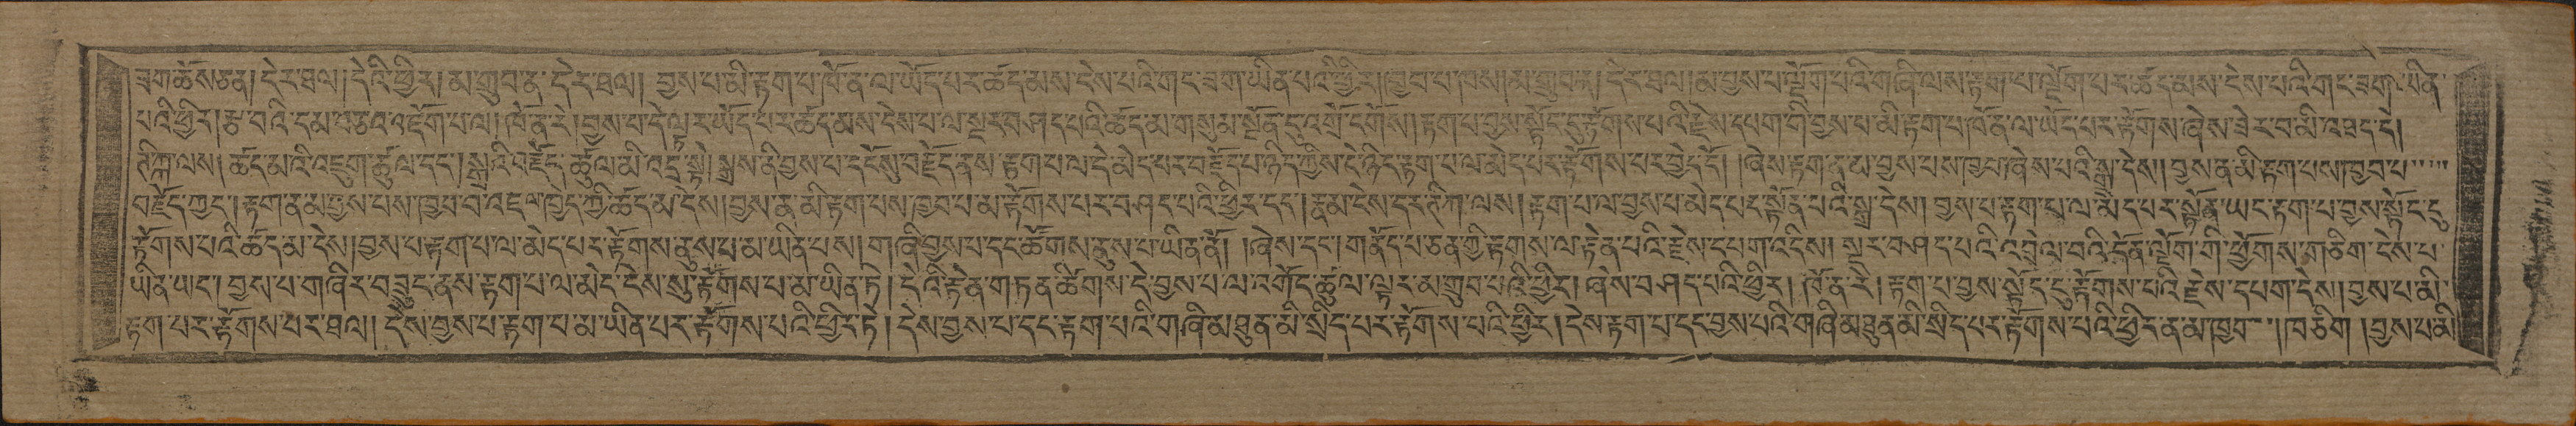ཟག་ཆོས་ཅན། དེར་ཐལ། དེའི་ཕྱིར། མ་གྲུབ་ན་དེར་ཐལ། བྱས་པ་མི་རྟག་པ་ཁོ་ན་ལ་ཡོད་པར་ཚད་མས་ངེས་པའི་གང་ཟག་ཡིན་པའི་ཕྱིར། ཁྱབ་པ་ཁས། མ་གྲུབ་ན། དེར་ཐལ། མ་བྱས་པ་ལྡོག་པའི་གཞི་ལས་རྟག་པ་ལྡོག་པར་ཚད་མས་ངེས་པའི་གང་ཟག་ཡིན་
པའི་ཕྱིར། རྩ་བའི་དམ་བཅའ་འཇོག་པ་ལ། ཁོ་ན་རེ། བྱས་པ་དེ་ལྟར་ཡོད་པར་ཚད་མས་ངེས་པ་ལ་སྔར་བཤད་པའི་ཚད་མ་གསུམ་སྔོན་དུ་འགྲོ་དགོས། རྟག་པ་བྱས་སྟོང་དུ་རྟོགས་པའི་རྗེས་དཔག་གིས་བྱས་པ་མི་རྟག་པ་ཁོ་ན་ལ་ཡོད་པར་རྟོགས་ཞེས་ཟེར་བ་མི་འཐད་དེ།
ཊིཀྐ་ལས། ཚད་མའི་འཇུག་ཚུལ་དང་། སྒྲའི་བརྗོད་ཚུལ་མི་འདྲ་སྟེ། སྒྲས་ནི་བྱས་པ་དངོས་སུ་བརྗོད་ནས་རྟག་པ་ལ་དེ་མེད་པར་བརྗོད་པ་ཉིད་ཀྱིས་དེ་ཉིད་རྟག་པ་ལ་མེད་པར་རྟོགས་པར་བྱེད་དོ། །ཞེས་རྟག་ན་མ་བྱས་པས་ཁྱབ་ཅེས་པའི་སྒྲ་དེས། བྱས་ན་མི་རྟག་པས་ཁྱབ་པ་
བརྗོད་ཀྱང་། རྟག་ན་མ་བྱས་པས་ཁྱབ་པ་འཇལ་ཁྱེད་ཀྱི་ཚད་མ་དེས། བྱས་ན་མི་རྟག་པས་ཁྱབ་པ་མ་རྟོགས་པར་བཤད་པའི་ཕྱིར་དང་། རྣམ་ངེས་དར་ཊིཀ་ལས། རྟག་པ་ལ་བྱས་པ་མེད་པར་སྟོན་པའི་སྒྲ་དེས། བྱས་པ་རྟག་པ་ལ་མེད་པར་སྟོན་ཡང་རྟག་པ་བྱས་སྟོང་དུ་
རྟོགས་པའི་ཚད་མ་དེས། བྱས་པ་རྟག་པ་ལ་མེད་པར་རྟོགས་ནུས་པ་མ་ཡིན་པས། གཞི་བྱས་པ་དང་ཚོགས་ནུས་པ་ཡིན་ནོ། །ཞེས་དང་། གནོད་པ་ཅན་གྱི་རྟགས་ལ་བརྟེན་པའི་རྗེས་དཔག་འདིས། སྔར་བཤད་པའི་འབྲེལ་བའི་དོན་ལྡོག་གི་ཕྱོགས་གཅིག་ངེས་པ་
ཡིན་ཡང་། བྱས་པ་གཞིར་བཟུང་ནས་རྟག་པ་ལ་མེད་ངེས་སུ་རྟོགས་པ་མ་ཡིན་ཏེ། དེའི་རྟེན་གཏན་ཚིགས་དེ་བྱས་པ་ལ་འགོད་ཚུལ་ལྟར་མ་གྲུབ་པའི་ཕྱིར། ཞེས་བཤད་པའི་ཕྱིར། ཁོ་ན་རེ། རྟག་པ་བྱས་སྟོང་དུ་རྟོགས་པའི་རྗེས་དཔག་དེས། བྱས་པ་མི་
རྟག་པར་རྟོགས་པར་ཐལ། དེས་བྱས་པ་རྟག་པ་མ་ཡིན་པར་རྟོགས་པའི་ཕྱིར་ཏེ། དེས་བྱས་པ་དང་རྟག་པའི་གཞི་མཐུན་མི་སྲིད་པར་རྟོགས་པའི་ཕྱིར། དེས་རྟག་པ་དང་བྱས་པའི་གཞི་མཐུན་མི་སྲིད་པར་རྟོགས་པའི་ཕྱིར་ན་མ་ཁྱབ། ཁ་ཅིག །བྱས་པ་མི་